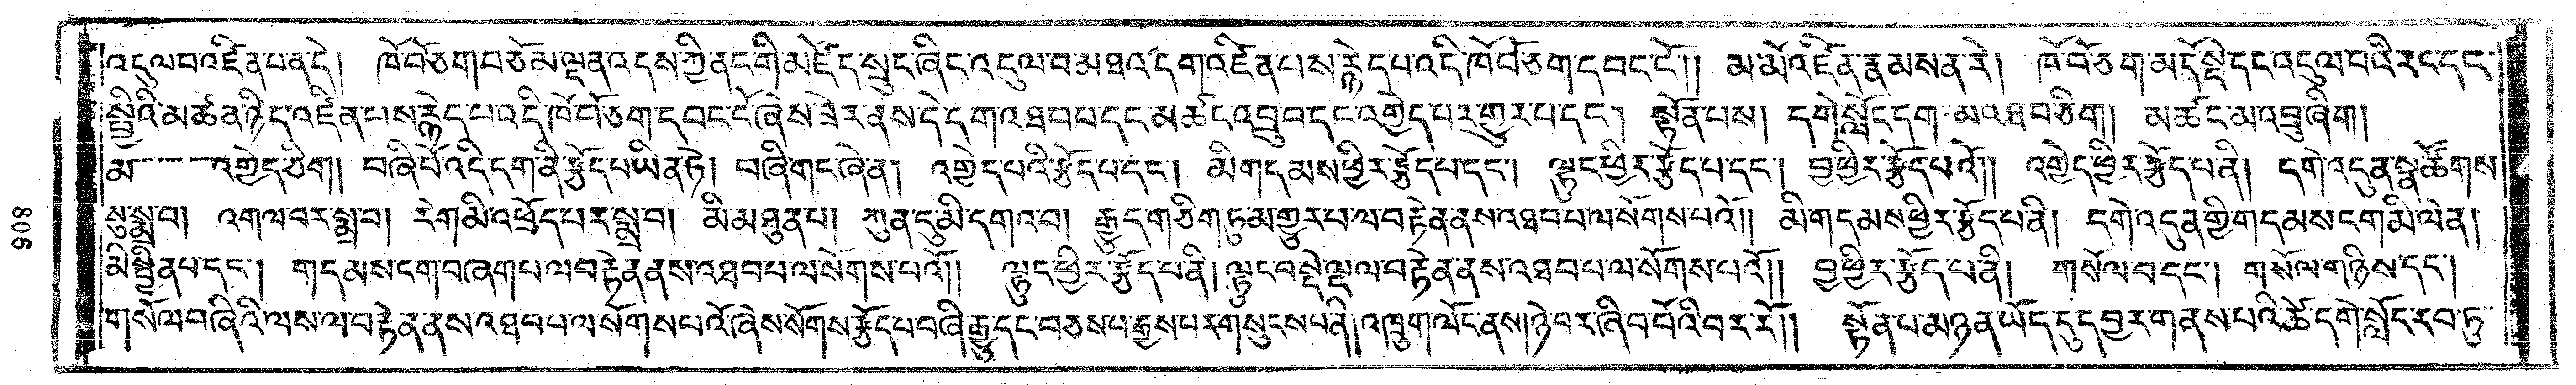འདུལ་བ་འཛིན་པ་ན་དེ། ཁོ་བོ་ཅག་བཅོམ་ལྡན་འདས་ཀྱི་ནང་གི་མཛེད་སྲུང་ཞིང་འདུལ་བ་མཐའ་དག་འཛིན་པས་རྙེད་པ་འདི་ཁོ་བོ་ཅག་དབང་ངོ།། མ་མོ་འཛིན་རྣམས་ན་རེ། ཁོ་བོ་ཅག་མདོ་སྡེ་དང་འདུལ་བའི་རང་དང་
སྤྱིའི་མཚན་ཉིད་འཛིན་པས་རྙེད་པ་འདི་ཁོ་བོ་ཅག་དབང་ངོ་ཞེས་ཟེར་ནས་དེ་དགའ་ཐབ་པ་དང་མཚང་འབྲུ་བ་དང་འགྱེད་པར་གྱུར་པ་དང་། སྟོན་པས། དགེ་སློང་དག་མ་འཐབ་ཅིག། མཚང་མ་འབྲུ་ཞིག།
མ་འགྱེད་ཅིག། བཞི་པོ་འདི་དག་ནི་རྩོད་པ་ཡིན་ཏེ། བཞི་གང་ཞེ་ན། འགྱེད་པའི་རྩོད་པ་དང་། མི་གདམས་ཕྱིར་རྩོད་པ་དང་། ལྟུང་ཕྱིར་རྩོད་པ་དང་། བྱ་ཕྱིར་རྩོད་པའོ།། འགྱེད་ཕྱིར་རྩོད་པ་ནི། དགེ་འདུན་སྣ་ཚོགས་
སུ་སྨྲ་བ། འགལ་བར་སྨྲ་བ། རེག་མི་འཕྲོད་པར་སྨྲ་བ། མི་མཐུན་པ། ཀུན་དུ་མི་དགའ་བ། རྒྱུད་གཅིག་ཏུ་མ་གྱུར་པ་ལ་བརྟེན་ནས་འཐབ་པ་ལ་སོགས་པའོ།། མི་གདམས་ཕྱིར་རྩོད་པ་ནི། དགེ་འདུན་གྱི་གདམས་ངག་མི་ལེན།
མི་སྦྱིན་པ་དང་། གདམས་ངག་བཞག་པ་ལ་བརྟེན་ནས་འཐབ་པ་ལ་སོགས་པའོ།། ལྟུང་ཕྱིར་རྩོད་པ་ནི། ལྟུང་བསྡེ་ལྔ་ལ་བརྟེན་ནས་འཐབ་པ་ལ་སོགས་པའོ།། བྱ་ཕྱིར་རྩོད་པ་ནི། གསོལ་བ་དང་། གསོལ་གཉིས་དང་།
གསོལ་བཞིའི་ལས་ལ་བརྟེན་ནས་འཐབ་པ་ལ་སོགས་པའོ་ཞེས་སོགས་རྩོད་པ་བཞི་རྒྱུ་དང་བཅས་པ་རྒྱས་པར་གསུངས་པ་ནི། འཁྲུག་ལོང་ནས། ཉེ་བར་ཞིབ་བོའི་བར་རོ།། སྟོན་པ་མཉན་ཡོད་དུ་དབྱར་གནས་པའི་ཚེ་དགེ་སློང་རབ་ཏུ་